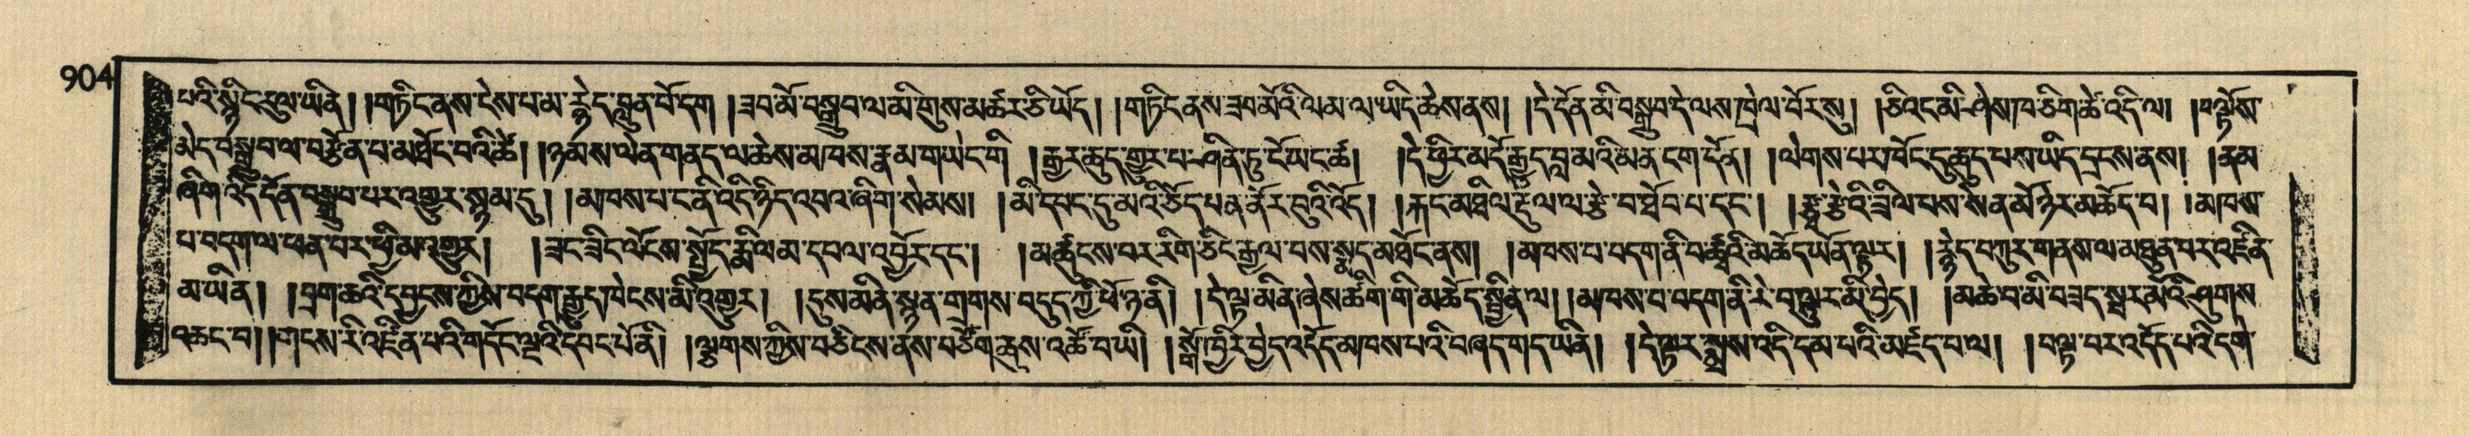པའི་སྙིང་རུལ་ཡིན། །གཏིང་ནས་ངེས་པ་མ་རྙེད་བླུན་པོ་དག །ཟབ་མོ་བསྒྲུབ་ལ་མི་གུས་མཚར་ཅི་ཡོད། །གཏིང་ནས་ཟབ་མོའི་ལམ་ལ་ཡིད་ཆེས་ནས། །དེ་དོན་མི་བསྒྲུབ་དེ་ལས་ཁྲེལ་བོར་སུ། །ཅིའང་མི་ཤེས་ཁ་ཅིག་ཚེ་འདི་ལ། །བལྟོས་
མེད་བསྒྲུབ་ལ་བརྩོན་པ་མཐོང་བའི་ཚེ། །ཉམས་ལེན་གནད་ལ་ཆེས་མཁས་རྣམ་གཡེང་གི །རྒྱར་ཆུད་གྱུར་པ་ཤིན་ཏུ་ངོ་ཡང་ཚ། །དེ་ཕྱིར་མདོ་རྒྱུད་བླ་མའི་མན་ངག་དོན། །ལེགས་པར་ཁོང་དུ་ཆུད་པས་ཡིད་དྲངས་ནས། །ནམ་
ཞིག་འདི་དོན་བསྒྲུབ་པར་འགྱུར་སྙམ་དུ། །མཁས་པ་ང་ནི་འདི་ཉིད་འབའ་ཞིག་སེམས། །མི་དབང་དུ་མའི་ཅོད་པན་ནོར་བུའི་འོད། །རྐང་མཐིལ་རྡུལ་ལ་རྩེ་བ་ཐོབ་པ་དང་། །རྩྭ་རྩེའི་ཟིལ་པས་སེན་མོ་ཉེར་མཆོད་བ། །མཁས་
པ་བདག་ལ་ཕན་པར་ཕྱི་མ་འགྱུར། །ཟང་ཟིང་ལོངས་སྤྱོད་རྨི་ལམ་དཔལ་འབྱོར་དང་། །མཚུངས་བར་རིག་ཅིང་རྒྱལ་བས་སྨད་མཐོང་ནས། །མཁས་པ་བདག་ནི་བ་ཚྭའི་མཆོད་ཡོན་ལྟར། །རྙེད་བཀུར་གནས་ལ་མཐུན་པར་འཛིན་
མ་ཡིན། །བྲག་ཆའི་དབྱངས་ཀྱིས་བདག་རྒྱུད་ཁེངས་མི་འགྱུར། །དུས་མིན་སྙན་གྲགས་བདུད་ཀྱི་ཕོ་ཉ་ནི། །དེ་ལྟ་མིན་ཞེས་ཚིག་གི་མཆོད་སྦྱིན་ལ། །མཁས་པ་བདག་ནི་རེ་བ་ལྷུར་མི་བྱེད། །མཆེ་བ་མི་བཟད་སྦར་མོའི་ཤུགས་
འཆང་བ། །གངས་རི་འཛིན་པའི་གདོང་ལྔའི་དབང་པོ་ནི། །ལྕགས་ཀྱིས་བཅིངས་ནས་བཙོག་ཆུས་འཚོ་བ་ཡི། །སྒོ་ཁྱིར་བྱེད་འདོད་མཁས་པའི་བཞད་གད་ཡིན། །དེ་ལྟར་སྨྲས་འདི་དམ་པའི་མཛད་པ་ལ། །བལྟ་བར་འདོད་པའི་དགེ་